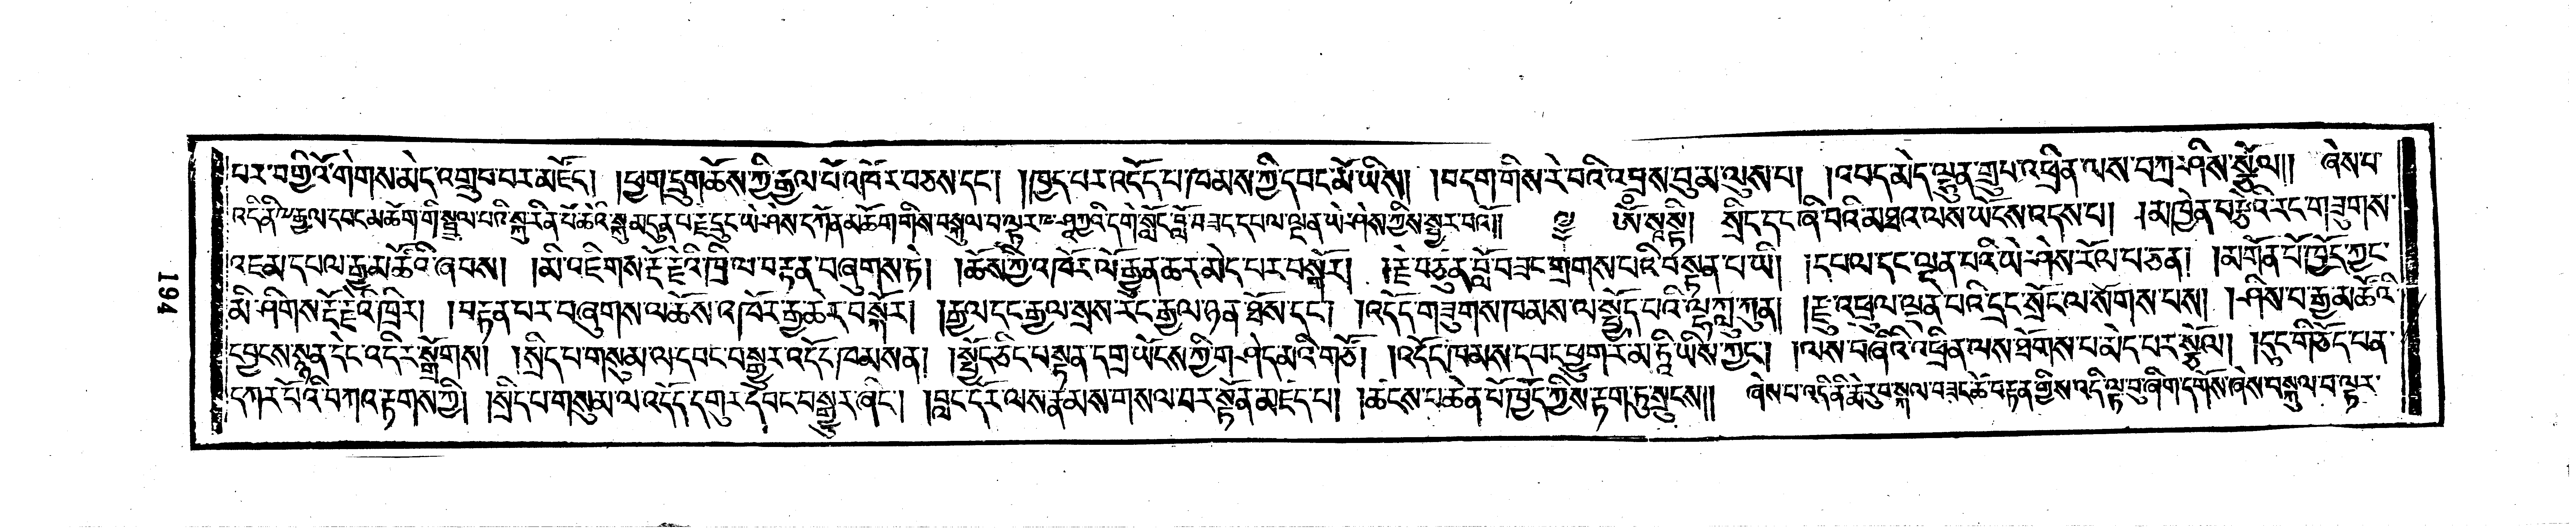པར་བགྱིའོ་གེགས་མེད་འགྲུབ་པར་མཛོད། །ཕྱག་དྲུག་ཆོས་ཀྱི་རྒྱལ་བོ་འཁོར་བཅས་དང་། །ཁྱད་པར་འདོད་པ་ཁམས་ཀྱི་དབང་མོ་ཡིས། །བདག་གིས་རེ་བའི་འབྲས་བུ་མ་ལུས་པ། །འབད་མེད་ལྷུན་གྲུབ་འཕྲིན་ལས་བཀྲ་ཤིས་སྩོལ། ཞེས་པ་
འདི་ནི་༈ རྒྱལ་དབང་མཆོག་གི་སྤྲུལ་པའི་སྐུ་རིན་པོ་ཆེའི་སྐུ་མདུན་པ་རྗེ་དྲུང་ཡེ་ཤེས་དཀོན་མཆོག་གིས་བསྐུལ་པ་ལྟར་༧་ཤཱཀྱའི་དགེ་སློང་བློ་བཟང་དཔལ་ལྡན་ཡེ་ཤེས་ཀྱིས་སྦྱར་པའོ།། ༈ ཨོཾ་སྭ་སྟི། སྲིང་དང་ཞི་པའི་མཐའ་ལས་ཡོངས་འདས་པ། །མཁྱེན་བརྩེའི་རང་གཟུགས་
འཇམ་དཔལ་རྒྱ་མཚོའི་ཞབས། །མི་འཇིགས་རྡོ་རྗེའི་ཁྲི་ལ་བརྟན་བཞུགས་ཏེ། །ཆོས་ཀྱི་འཁོར་ལོ་རྒྱུན་ཆར་མེད་པར་བསྒོར། །རྗེ་བཙུན་བློ་བཟང་གྲགས་པའི་བསྟན་པ་ཡི། །དཔལ་དང་ལྡན་པའི་ཡེ་ཤེས་རོལ་པ་ཅན། །མགོན་པོ་ཁྱོད་ཀྱང་
མི་ཤིགས་རྡོ་རྗེའི་ཁྲིར། །བརྟན་པར་བཞུགས་ལ་ཆོས་འཁོར་རྒྱ་ཆེར་བསྐོར། །རྒྱལ་དང་རྒྱལ་སྲས་རོང་རྒྱལ་ཉན་ཐོས་དང་། །འདོད་གཟུགས་ཁམས་ལ་སྤྱོད་པའི་ལྷ་ཀླུ་ཀུན། །རྫུ་འཕྲུལ་ལྡན་པའི་དྲང་སྲོང་ལ་སོགས་པས། །ཤིས་པ་རྒྱ་མཚོའི་
དབྱངས་སྙན་དེང་འདིར་སྒྲོགས། །སྲིད་པ་གསུམ་ལ་དབང་བསྒྱུར་འདོང་ཁམས་ན། །སྤྱོད་ཅིང་བསྟན་དགྲ་ཡོངས་ཀྱི་གཤེད་མའི་གཙོ། །འདོད་ཁམས་དབང་ཕྱུག་ར་མ་ཏཱི་ཡིས་ཀྱང་། །ལས་བཞིའི་འཕྲིན་ལས་ཐོགས་པ་མེད་པར་སྩོལ། །དུང་གི་ཅོད་པན་
དཀར་པོའི་བཀའ་རྟགས་ཀྱི། །སྲིད་པ་གསུམ་ལ་འདོད་དགུར་དབང་བསྒྱུར་ཞིང་། །བླང་དོར་ལས་རྣམས་གསལ་བར་སྟོན་མཛད་པ། །ཚངས་པ་ཆེན་པོ་ཁྱོད་ཀྱིས་རྟག་ཏུ་སྲུངས། །ཞེས་པ་འདི་ནི་རྨེ་རུ་བསྐལ་བཟང་ཚེ་བརྟན་གྱིས་འདི་ལྟ་བུ་ཞིག་དགོས་ཞེས་བསྐུལ་བ་ལྟར་